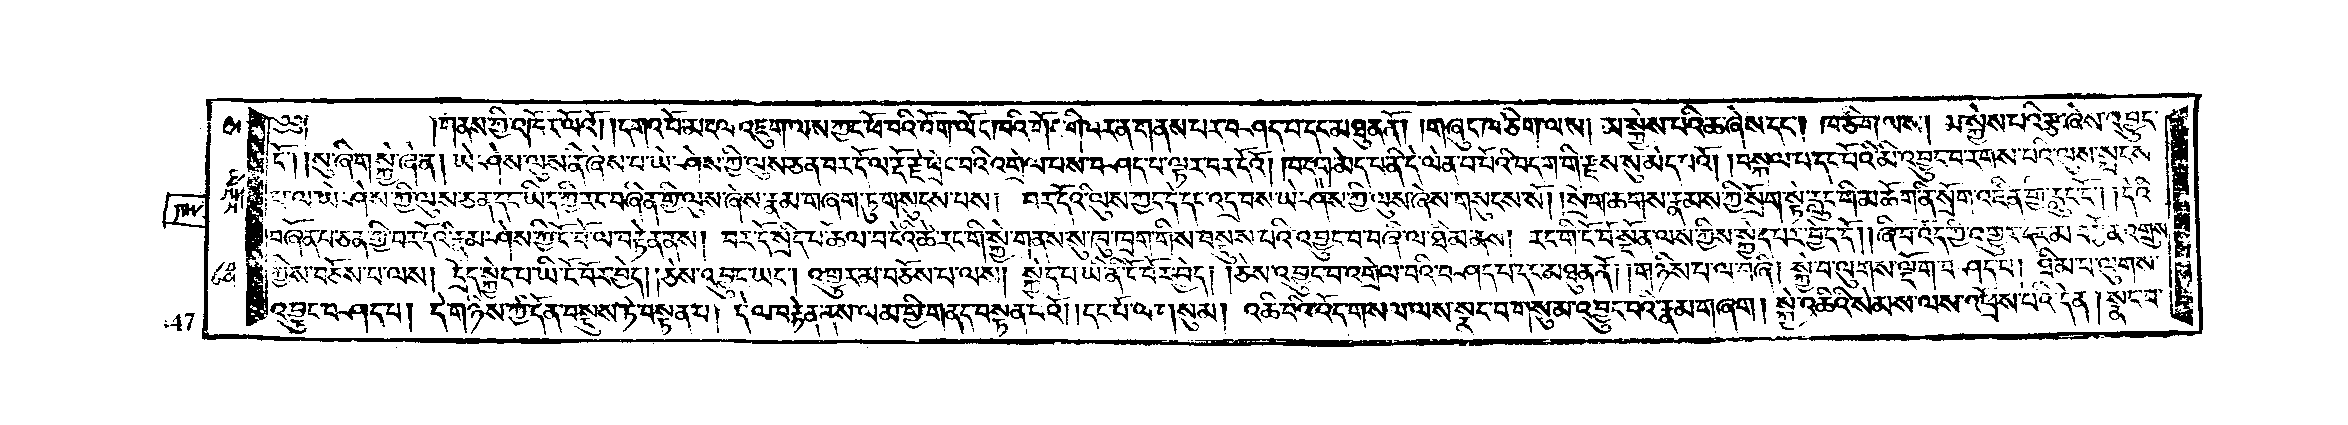༄༅། །གནས་ཀྱི་འཁོར་ལོའོ། །དགའ་བོ་མངལ་འཇུག་ལས་ཀྱང་ཕོ་བའི་འོག་ལོང་ཁའི་གོང་གི་བར་ན་གནས་པར་བཤད་པ་དང་མཐུན་ནོ། །གཞུང་ཁ་ཅིག་ལས། མ་སྐྱེས་པའི་ཆ་ཞེས་དང་། ཁ་ཅིག་ལས། མ་སྐྱེས་པའི་རྩ་ཞེས་འབྱུང་
ངོ། །སུ་ཞིག་སྐྱེ་ཞེ་ན། ཡེ་ཤེས་ལུས་ནི་ཞེས་པ་ཡེ་ཤེས་ཀྱི་ལུས་ཅན་བར་དོ་ལ་རྡོ་རྗེ་ཕྲེང་བའི་འགྲེལ་པས་བཤད་པ་ལྟར་བར་དོའོ། །བདག་མེད་པ་ནི་དེ་ལེན་པ་པོའི་བདག་གི་རྫས་སུ་མེད་པའོ། །བསྐལ་པ་དང་པོའི་མི་འབྱུང་བ་རགས་པའི་ལུས་སྤངས་
པ་ལ་ཡེ་ཤེས་ཀྱི་ལུས་ཅན་དང་ཡིད་ཀྱི་རང་བཞིན་གྱི་ལུས་ཞེས་རྣམ་གཞག་ཏུ་གསུངས་པས། བར་དོའི་ལུས་ཀྱང་དེ་དང་འདྲ་བས་ཡེ་ཤེས་ཀྱི་ལུས་ཞེས་གསུངས་སོ། །སྲོག་ཆགས་རྣམས་ཀྱི་སྲོག་སྟེ་རླུང་གི་མཆོག་ནི་སྲོག་འཛིན་གྱི་རླུང་ངོ། །དེའི་
བཞོན་པ་ཅན་གྱི་བར་དོའི་རྣམ་ཤེས་ཀྱི་ངོ་བོ་ལ་བརྟེན་ནས། བར་དོ་སྲིད་པ་ཆོལ་བ་དེའི་ཚེ་རང་གི་སྐྱེ་གནས་སུ་ཁུ་ཁྲག་གིས་བསྡུས་པའི་འབྱུང་བ་བཞི་ལ་ཐིམ་ནས། རང་གི་ངོ་བོ་སྔོན་ལས་ཀྱིས་སྐྱེད་པར་བྱེད་དོ། །ཞི་བ་འོད་ཀྱི་འགྱུར་དར་མ་བརྩོན་འགྲུས་
ཀྱིས་བཅོས་པ་ལས། དྲོད་སྐྱེད་པ་ཡི་ངོ་བོར་བྱེད། །ཅེས་འབྱུང་ཡང་། འགྱུར་མ་བཅོས་པ་ལས། སྐྱེད་པ་ཡི་ནི་ངོ་བོར་བྱེད། །ཅེས་འབྱུང་བ་འགྲེལ་བའི་བཤད་པ་དང་མཐུན་ནོ། །གཉིས་པ་ལ་བཞི། སྐྱེ་བ་ལུགས་ལྡོག་བཤད་པ། ཐིམ་པ་ལུགས་
འབྱུང་བཤད་པ། དེ་གཉིས་ཀྱི་དོན་བསྡུས་ཏེ་བསྟན་པ། དེ་ལ་བརྟེན་ནས་ལམ་གྱི་གནད་བསྟན་པའོ། །དང་པོ་ལ་གསུམ། འཆི་བའི་འོད་གསལ་ལས་སྣང་བ་གསུམ་འབྱུང་བའི་རྣམ་གཞག །སྐྱེ་འཆིའི་སེམས་ལས་འཕྲོས་པའི་དོན། སྣང་བ་